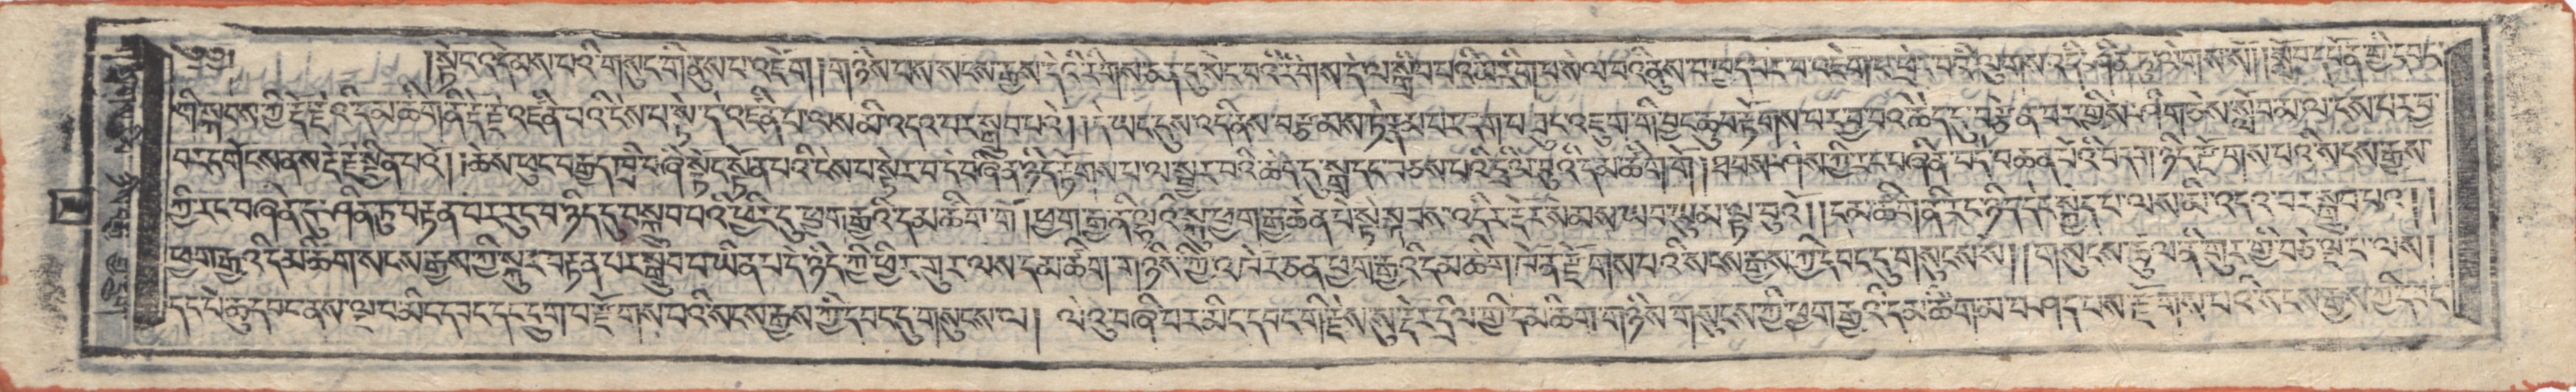༄༅། །སྟོང་འདོམས་པའི་གསུང་གི་ནུས་པ་འཇོག །གཉིས་པས་སངས་རྒྱས་དེའི་རིགས་ཅན་དུ་སོང་བའི་རིགས་དེ་ལ་སྒྲིབ་པའི་མ་རིག་པ་སེལ་བའི་ནུས་པ་ཁྱད་པར་བ་འཇོག་པ་ཕྲེང་བའི་ལུགས་འདི་ཤིན་ཏུ་ལེགས་སོ། །སློབ་དཔོན་གྱི་དབང་
གི་སྐབས་ཀྱི་རྡོ་རྗེའི་དམ་ཚིག་ནི་རྡོ་རྗེ་འཛིན་པའི་ངེས་པ་སྟེ་དེ་འཛིན་པ་ལས་མི་འདའ་བར་སྒྲུབ་པའོ། །དེ་ཡང་དུས་འདི་ནས་བརྩམས་ཏེ་རྣམ་པར་དག་པ་ཟུང་འཇུག་གི་བྱང་ཆུབ་རྟོགས་པར་བྱ་བའི་ཆེད་དུ་བརྩོན་བར་གྱིས་ཤིག་ཅེས་སློབ་མ་ལ་ངེས་པར་བྱ་
བར་དགོངས་ནས་རྡོ་རྗེ་སྦྱིན་པའོ། །ཆོས་ཕུང་བརྒྱད་ཁྲི་བཞི་སྟོང་སྟོན་པའི་ངེས་པ་སྟེར་བ་དེ་བཞིན་ཉིད་རྟོགས་པ་ལ་སྦྱར་བའི་ཆེད་དུ་སྒྲ་དང་བཅས་པའི་དྲིལ་བུའི་དམ་ཚིག་གོ །ཐབས་ཤེས་ཀྱི་རང་བཞིན་བདེ་བ་ཆེན་པོའི་བདག་ཉིད་རྫོགས་པའི་སངས་རྒྱས་
ཀྱི་རང་བཞིན་དུ་ཤིན་ཏུ་བརྟན་པར་རུང་བ་ཉིད་དུ་བསྒྲུབ་པའི་ཕྱིར་དུ་ཕྱག་རྒྱའི་དམ་ཚིག་གོ །ཕྱག་རྒྱ་ནི་ལྷའི་སྐུ་ཕྱག་རྒྱ་ཆེན་པོ་སྟེ་སྐབས་འདིར་རྡོར་སེམས་ཡབ་ཡུམ་ལྟ་བུའོ། །དམ་ཚིག་ནི་རང་ཉིད་དེར་སྐྱེད་པ་ལས་མི་འདའ་བར་སྒྲུབ་པའོ། །
ཕྱག་རྒྱའི་དམ་ཚིག་སངས་རྒྱས་ཀྱི་སྐུར་བརྟན་པར་སྒྲུབ་པ་ཡིན་པ་དེ་ཉིད་ཀྱི་ཕྱིར་གུར་ལས་དམ་ཚིག་གཉིས་ཀྱི་འཁོར་ཅན་ཕྱག་རྒྱའི་དམ་ཚིག་ཁོ་ན་རྫོགས་པའི་སངས་རྒྱས་ཀྱི་དབང་དུ་གསུངས་སོ། །གསུངས་ཚུལ་ནི་གུར་གྱི་བཅོ་ལྔ་པ་ལས།
དང་པོ་ཆུ་དབང་ནས་ལྔ་པ་མིང་དབང་དང་དྲུག་པ་རྫོགས་པའི་སངས་རྒྱས་ཀྱི་དབང་དུ་གསུངས་ལ། ལེའུ་བཞི་པར་མིང་དབང་གི་རྗེས་སུ་རྡོར་དྲིལ་གྱི་དམ་ཚིག་གཉིས་གསུངས་ཀྱི་ཕྱག་རྒྱའི་དམ་ཚིག་མ་བཤད་པས་རྫོགས་པའི་སངས་རྒྱས་ཀྱི་དབང་